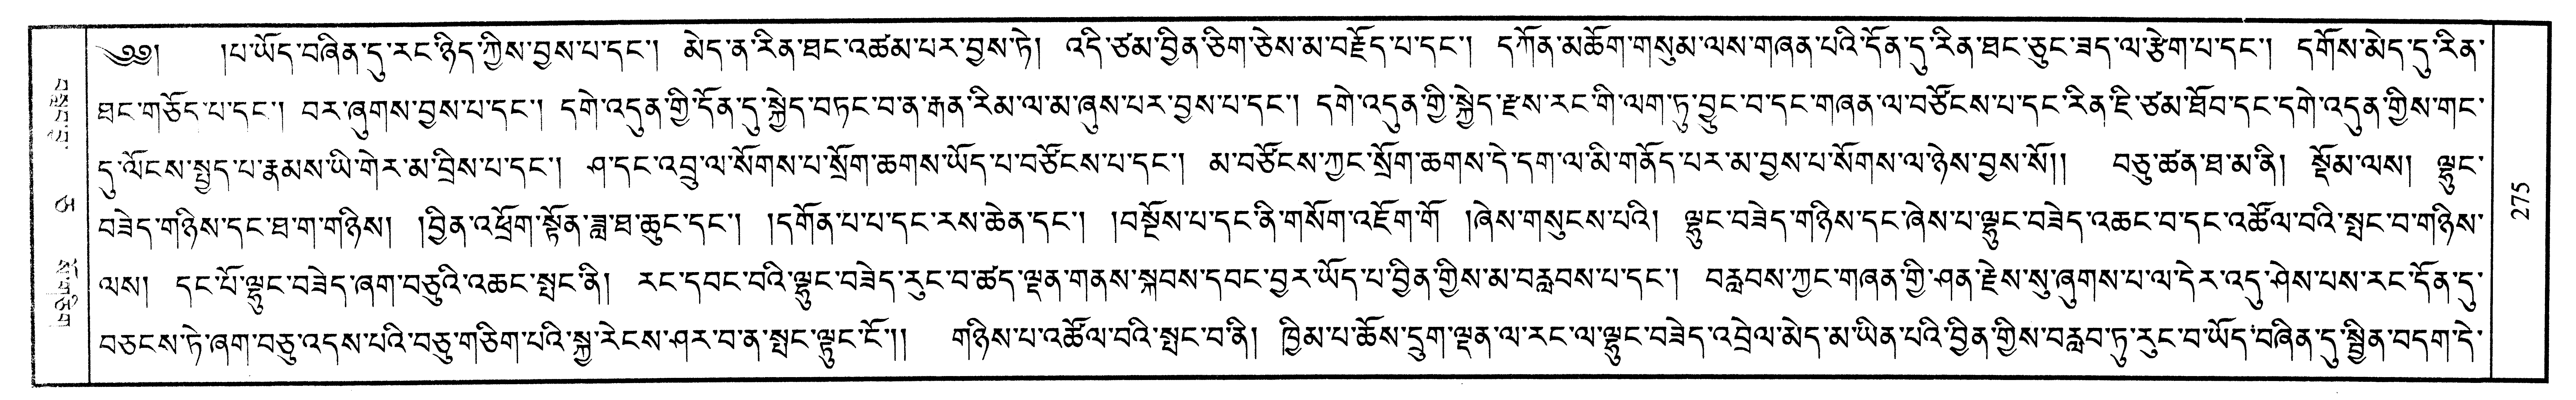༄༅། །པ་ཡོད་བཞིན་དུ་རང་ཉིད་ཀྱིས་བྱས་པ་དང་། མེད་ན་རིན་ཐང་འཚམ་པར་བྱས་ཏེ། འདི་ཙམ་བྱིན་ཅིག་ཅེས་མ་བརྗོད་པ་དང་། དཀོན་མཆོག་གསུམ་ལས་གཞན་པའི་དོན་དུ་རིན་ཐང་ཅུང་ཟད་ལ་རྩེག་པ་དང་། དགོས་མེད་དུ་རིན་
ཐང་གཅོད་པ་དང་། བར་ཞུགས་བྱས་པ་དང་། དགེ་འདུན་གྱི་དོན་དུ་སྐྱེད་བཏང་བ་ན་རྒན་རིམ་ལ་མ་ཞུས་པར་བྱས་པ་དང་། དགེ་འདུན་གྱི་སྐྱེད་རྫས་རང་གི་ལག་ཏུ་བྱུང་བ་དང་གཞན་ལ་བཙོངས་པ་དང་རིན་ཇི་ཙམ་ཐོབ་དང་དགེ་འདུན་གྱིས་གང་
དུ་ལོངས་སྤྱད་པ་རྣམས་ཡི་གེར་མ་བྲིས་པ་དང་། ཤ་དང་འབྲུ་ལ་སོགས་པ་སྲོག་ཆགས་ཡོད་པ་བཙོངས་པ་དང་། མ་བཙོངས་ཀྱང་སྲོག་ཆགས་དེ་དག་ལ་མི་གནོད་པར་མ་བྱས་པ་སོགས་ལ་ཉེས་བྱས་སོ།། བཅུ་ཚན་ཐ་མ་ནི། སྡོམ་ལས། ལྷུང་
བཟེད་གཉིས་དང་ཐ་ག་གཉིས། །བྱིན་འཕྲོག་སྟོན་ཟླ་ཐ་ཆུང་དང་། །དགོན་པ་དང་རས་ཆེན་དང་། །བསྔོས་པ་དང་ནི་གསོག་འཇོག་གོ །ཞེས་གསུངས་པའི། ལྷུང་བཟེད་གཉིས་དང་ཞེས་པ་ལྷུང་བཟེད་འཆང་བ་དང་འཚོལ་བའི་སྤང་བ་གཉིས་
ལས། དང་པོ་ལྷུང་བཟེད་ཞག་བཅུའི་འཆང་སྤང་ནི། རང་དབང་བའི་ལྷུང་བཟེད་རུང་བ་ཚད་ལྡན་གནས་སྐབས་དབང་བྱར་ཡོད་པ་བྱིན་གྱིས་མ་བརླབས་པ་དང་། བརླབས་ཀྱང་གཞན་གྱི་ཤན་རྗེས་སུ་ཞུགས་པ་ལ་དེར་འདུ་ཤེས་པས་རང་དོན་དུ་
བཅངས་ཏེ་ཞག་བཅུ་འདས་པའི་བཅུ་གཅིག་པའི་སྐྱ་རེངས་ཤར་བ་ན་སྤང་ལྟུང་ངོ།། གཉིས་པ་འཚོལ་བའི་སྤང་བ་ནི། ཁྱིམ་པ་ཆོས་དྲུག་ལྡན་ལ་རང་ལ་ལྷུང་བཟེད་འབྲེལ་མེད་མ་ཡིན་པའི་བྱིན་གྱིས་བརླབ་ཏུ་རུང་བ་ཡོད་བཞིན་དུ་སྦྱིན་བདག་དེ་